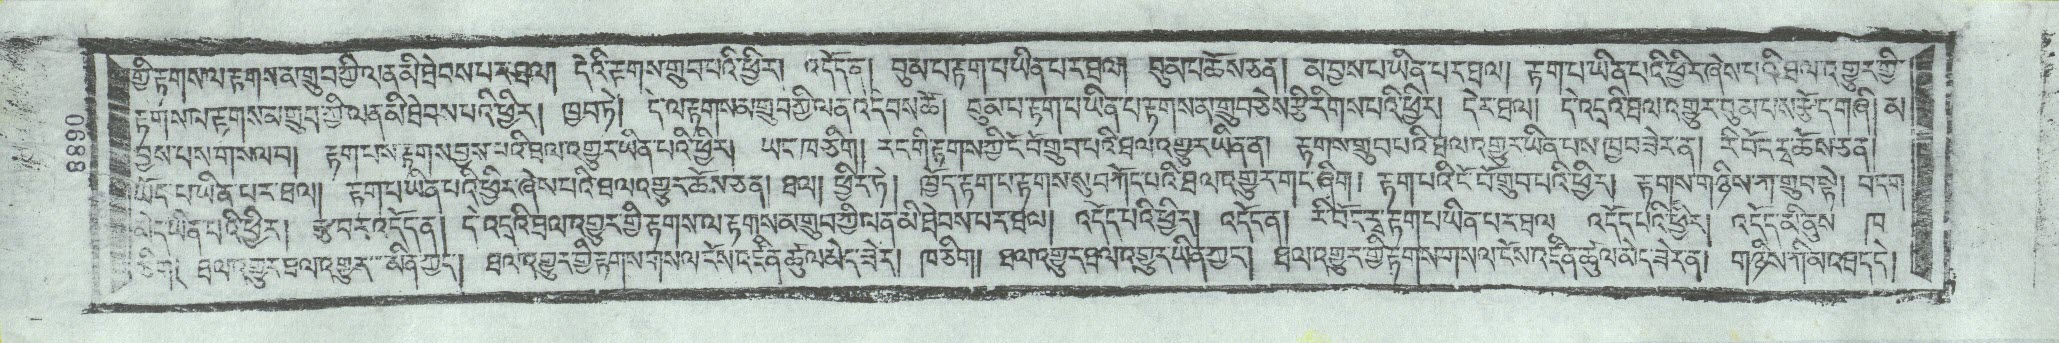གྱི་རྟགས་ལ་རྟགས་མ་གྲུབ་ཀྱི་ལན་མི་ཐེབས་པར་ཐལ། དེའི་རྟགས་གྲུབ་པའི་ཕྱིར། འདོད་ན། བུམ་པ་རྟག་པ་ཡིན་པར་ཐལ། བུམ་པ་ཆོས་ཅན། མ་བྱས་པ་ཡིན་པར་ཐལ། རྟག་པ་ཡིན་པའི་ཕྱིར་ཞེས་པའི་ཐལ་འགྱུར་གྱི་
རྟགས་ལ་རྟགས་མ་གྲུབ་ཀྱི་ལན་མི་ཐེབས་པའི་ཕྱིར། ཁྱབ་ཏེ། དེ་ལ་རྟགས་མ་གྲུབ་ཀྱི་ལན་འདེབས་ཚེ། བུམ་པ་རྟག་པ་ཡིན་པ་རྟགས་མ་གྲུབ་ཅེས་རྩི་རིགས་པའི་ཕྱིར། དེར་ཐལ། དེ་འདྲའི་ཐལ་འགྱུར་བུམ་པས་རྩོད་གཞི། མ་
བྱས་པས་གསལ་བ། རྟག་པས་རྟགས་བྱས་པའི་ཐལ་འགྱུར་ཡིན་པའི་ཕྱིར། ཡང་ཁ་ཅིག། རང་གི་རྟགས་ཀྱི་ངོ་བོ་གྲུབ་པའི་ཐལ་འགྱུར་ཡིན་ན། རྟགས་གྲུབ་པའི་ཐལ་འགྱུར་ཡིན་པས་ཁྱབ་ཟེར་ན། རི་བོང་རྭ་ཆོས་ཅན།
ཡོད་པ་ཡིན་པར་ཐལ། རྟག་པ་ཡིན་པའི་ཕྱིར་ཞེས་པའི་ཐལ་འགྱུར་ཆོས་ཅན། ཐལ། ཕྱིར་ཏེ། ཁྱོད་རྟག་པ་རྟགས་སུ་བཀོད་པའི་ཐལ་འགྱུར་གང་ཞིག། རྟག་པའི་ངོ་བོ་གྲུབ་པའི་ཕྱིར། རྟགས་གཉིས་ཀ་གྲུབ་སྟེ། བདག་
མེད་ཡིན་པའི་ཕྱིར། རྩ་བར་འདོད་ན། དེ་འདྲའི་ཐལ་འགྱུར་གྱི་རྟགས་ལ་རྟགས་མ་གྲུབ་ཀྱི་ལན་མི་ཐེབས་པར་ཐལ། འདོད་པའི་ཕྱིར། འདོད་ན། རི་བོང་རྭ་རྟག་པ་ཡིན་པར་ཐལ། འདོད་པའི་ཕྱིར། འདོད་མི་ནུས་ཁ་
ཅིག༑ ཐལ་འགྱུར་ཐལ་འགྱུར་མིན་ཀྱང་། ཐལ་འགྱུར་གྱི་རྟགས་གསལ་ངོས་འཛིན་ཚུལ་མེད་ཟེར། ཁ་ཅིག། ཐལ་འགྱུར་ཐལ་འགྱུར་ཡིན་ཀྱང་། ཐལ་འགྱུར་གྱི་རྟགས་གསལ་ངོས་འཛིན་ཚུལ་མེད་ཟེར་ན། གཉིས་ཀི་མ་འཐད་དེ།